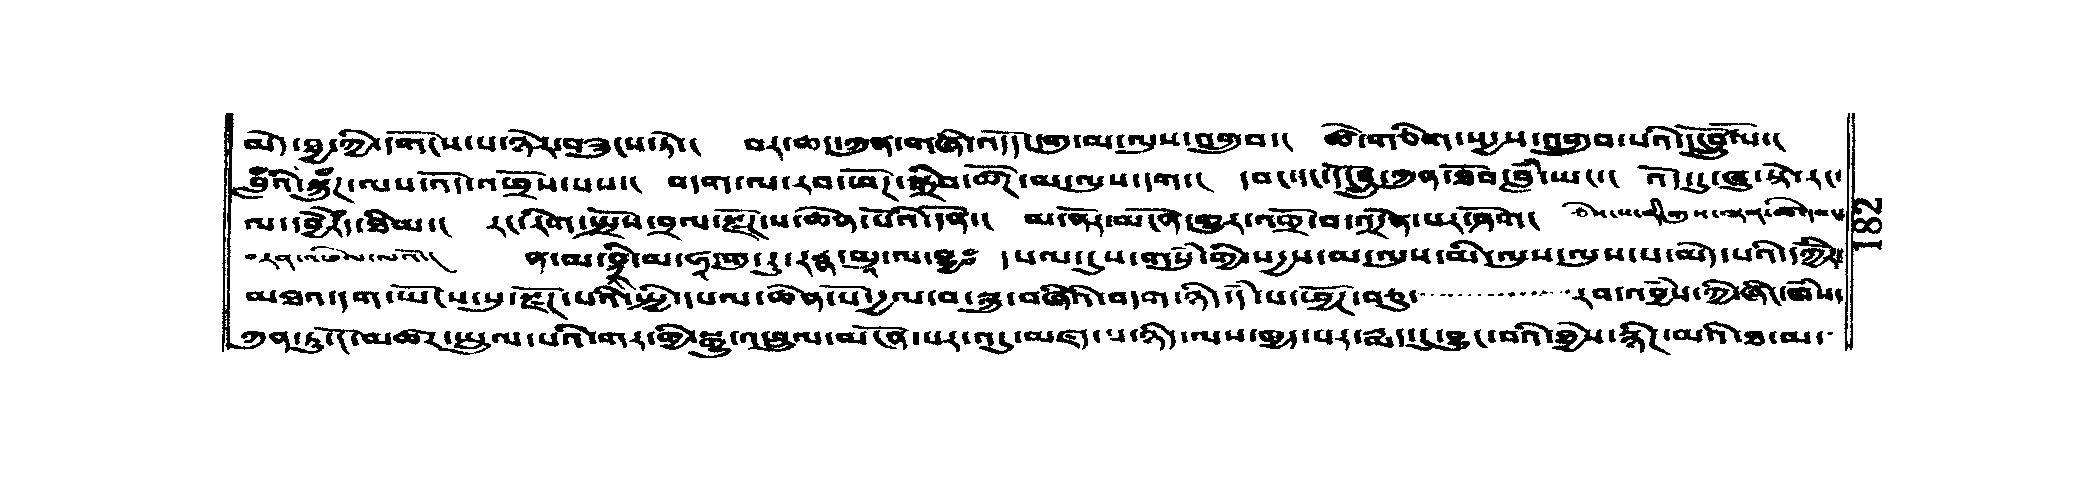མེད་ཐུགས་ཀྱི་དགོངས་པས་ཉེར་བཟུངས་ཏེ། །བར་ཆད་ཀུན་ཞི་འདོད་དགུ་མ་ལུས་འགྲུབ། །ཚེ་གཅིག་སངས་རྒྱས་འགྲུབ་པའི་དངོས་གྲུབ་སྩོལ། །
བླ་མའི་སྐུ་གསུང་ཐུགས་ལས་འོད་འཕྲོས་པས། །བདག་ལ་རབ་ཕོགས་སྒྲིབ་ཚོགས་མ་ལུས་དག །དབང་དང་དངོས་གྲུབ་ཀུན་ཐོབ་བླ་མ་ཡང་། །འོད་དུ་ཞུ་སྟེ་རང་
ལ་དབྱེར་མེད་ཐིམ། །རང་རིག་སྤྲོས་བྲལ་རྫོགས་པ་ཆེན་པོའི་དོན། །མ་ནོར་མངོན་གྱུར་འགྲོ་བ་འདྲེན་པར་ཤོག ཅེས་པ་ནི་གུས་ལྡན་ཚེ་དབང་
བསྟན་འཕེལ་ལའོ།། ན་མ་ཤྲཱི་མ་ཧཱ་གུ་རུ་རཏྣ་མཱུ་ལ་བྷྱཿ དཔལ་དུས་གསུམ་གྱི་སངས་རྒྱས་མ་ལུས་མི་ལུས་ལུས་པ་མེད་པའི་དཀྱིལ་ལོར་
མཐའ་དག་ཡོངས་སུ་རྫོགས་པའི་སྤྱི་དཔལ་ཆེན་པོ་རྒྱལ་བ་སྐུ་བཞིའི་བདག་ཉིད་དམ་པ་ཕྱོགས་བཅུ་རབ་འབྱམས་ཀྱི་ཞིང་ཁམས་
ཀུན་ཏུ་ངོ་མཚར་སྤྲུལ་པའི་གར་གྱི་སྒྱུ་འཕྲུལ་མངོན་པར་འདུ་མཛད་པའི་ཉིད་ལས་ཁྱད་པར་རྨད་དུ་བྱུང་བའི་ཐུགས་རྗེས་སྙིགས་མའི་ཐ་མ་